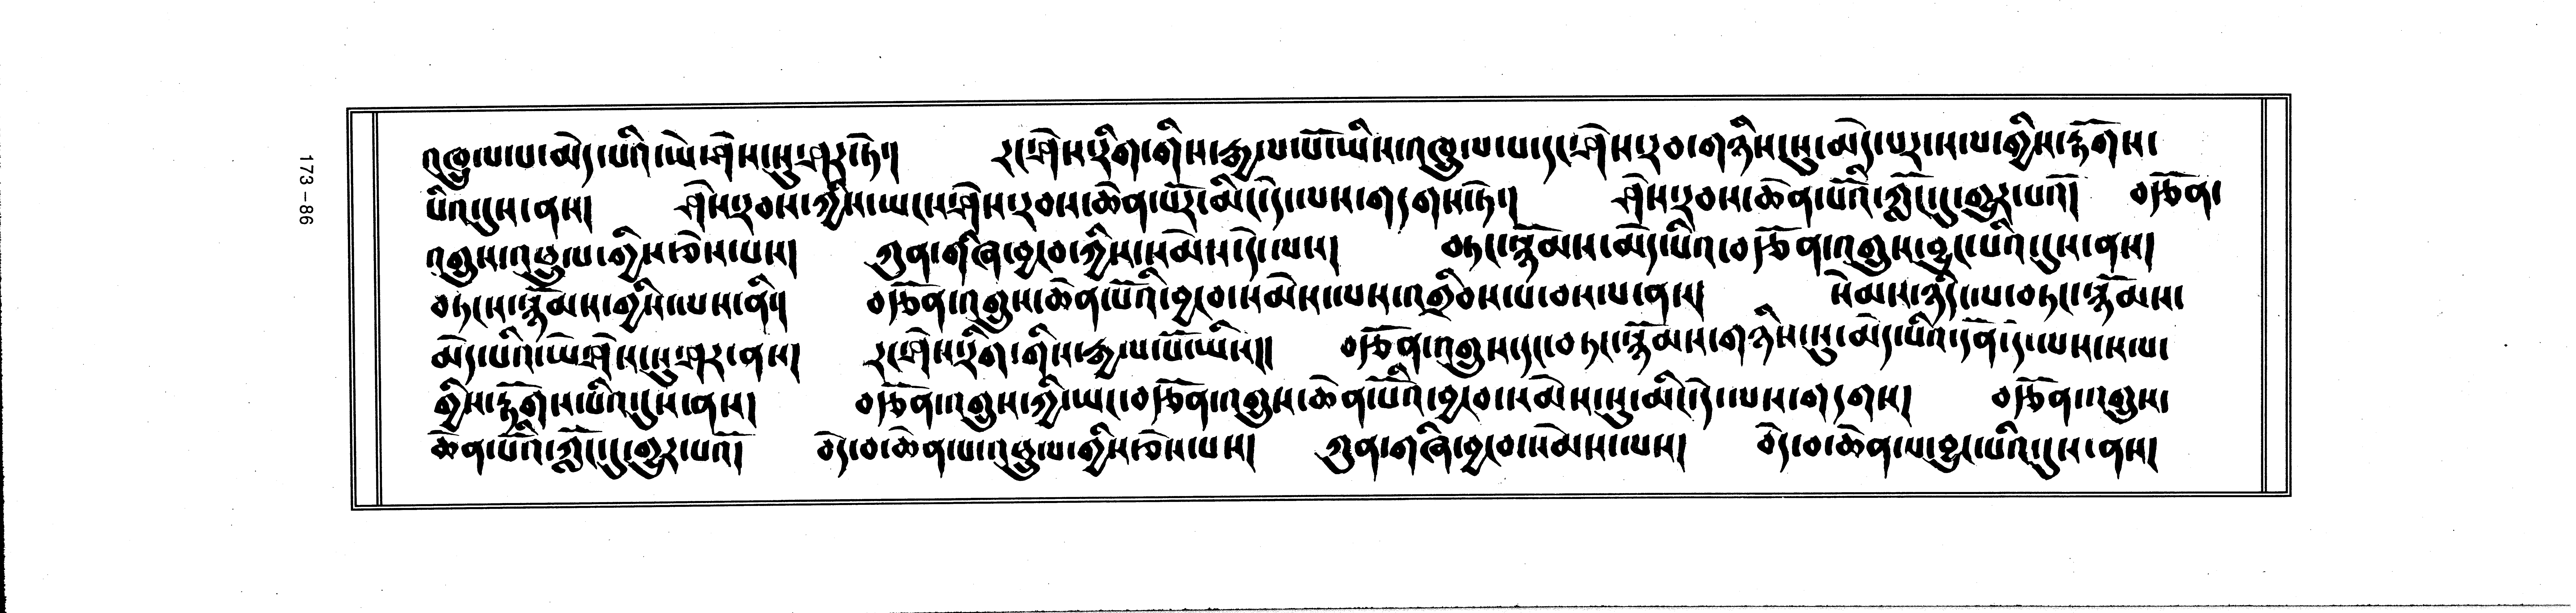པ་མེད་པའི་ཡེ་ཤེས་སུ་ཤར་ཏེ། རང་ཤེས་རིག་གི་རྒྱལ་པོ་ཡིས། འཁྲུལ་པ་དང་ཤེས་རབ་གཉིས་སུ་མེད་པར་སལ་གྱིས་རྟོགས་
པའི་དུས་ནས། ཤེས་རབ་ཀྱི་ཡང་ཤེས་རབ་ཆེན་པོར་མིང་དེ་ལས་གདགས་ཏེ། ཤེས་རབ་ཆེན་པོའི་ཀློང་དུ་གྱུར་པའོ། །བརྩོན་
འགྲུས་འཕྲུལ་གྱིས་ཅེས་པས། ཀུན་གཞི་བྱང་ཆུབ་སེམས་དེ་ལས། བཏང་སྙོམས་མེད་པའི་བརྩོན་འགྲུས་བྱུང་བའི་དུས་ནས། 
བཏང་སྙོམས་ཀྱི་ལས་ནི། བརྩོན་འགྲུས་ཆེན་པོའི་བྱང་ཆུབ་ཀྱི་སེམས་ལས་འགྲིབ་པ་བསལ་ནས། སེམས་ཉིད་ལ་བཏང་སྙོམས་
མེད་པའི་ཡེ་ཤེས་སུ་ཤར་ནས། རང་ཤེས་རིག་གི་རྒྱལ་པོ་ཡིས། བརྩོན་འགྲུས་དང་བཏང་སྙོམས་གཉིས་སུ་མེད་པའི་དོན་དེ་ལས་སལ་
གྱིས་རྟོགས་པའི་དུས་ནས། བརྩོན་འགྲུས་ཀྱི་ཡང་བརྩོན་ཆེན་པོའི་བྱང་ཆུབ་ཀྱི་སེམས་སུ་མིང་དེ་ལ་གདགས་ཏེ། བརྩོན་འགྲུས་
ཆེན་པོའི་ཀློང་དུ་གྱུར་པའོ། །བདེ་བ་ཆེན་པོ་འཕྲུལ་གྱི་ཅེས་པས། ཀུན་གཞི་བྱང་ཆུབ་ཀྱི་སེམས་ལས། བདེ་བ་ཆེན་པོ་བྱུང་བའི་དུས་ནས་